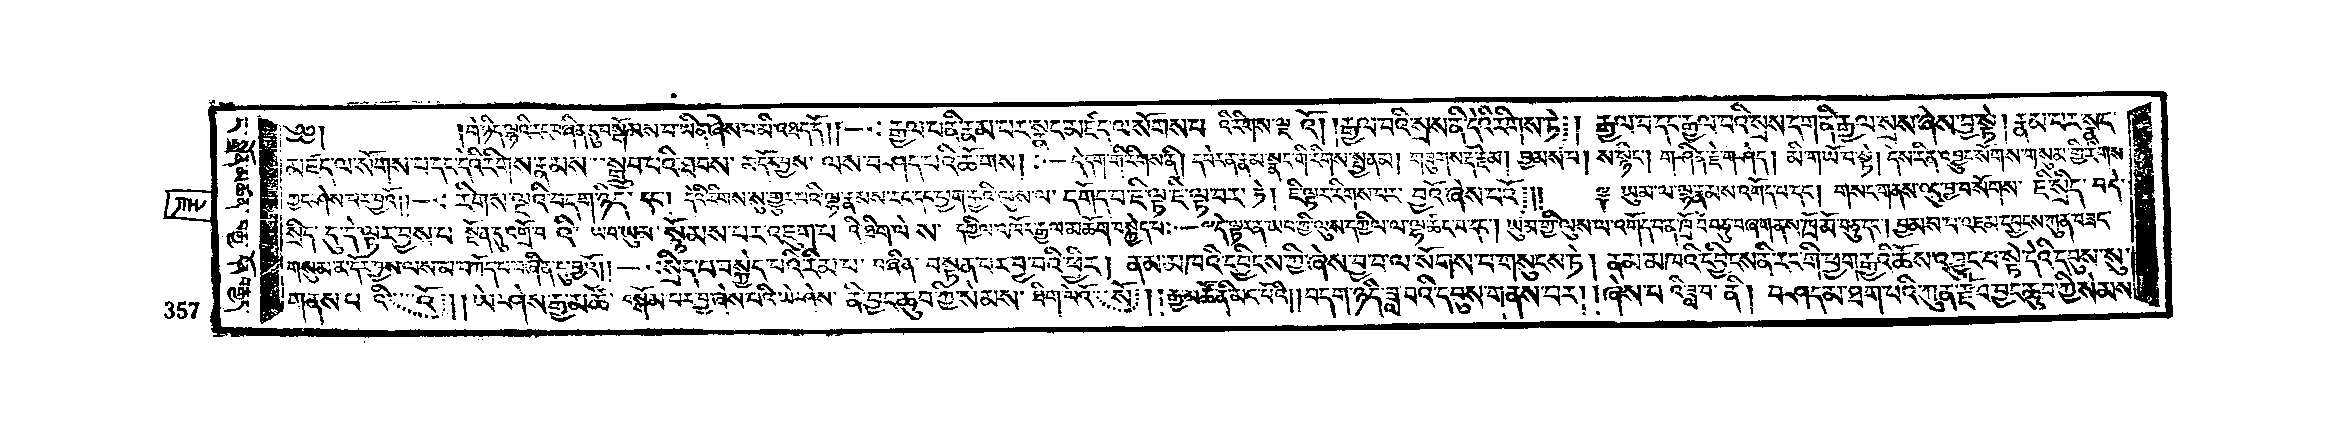༄༅། །གེ་ཉིད་ལྷའི་རང་བཞིན་དུ་བསྒོམས་པ་ཡིན་ཞེས་པ་མི་འཐད་དོ།། .H རྒྱལ་བ་ནི་རྣམ་པར་སྣང་མཛད་ལ་སོགས་པའི་རིགས་ལྔའོ།  །རྒྱལ་བའི་སྲས་ནི་དེའི་རིགས་ཏེ། རྒྱལ་བ་དང་རྒྱལ་བའི་སྲས་དག་ནི་རྒྱལ་སྲས་ཞེས་བྱ་སྟེ། རྣམ་པར་སྣང་
མཛད་ལ་སོགས་པ་དང་དེའི་རིགས་རྣམས་སྒྲུབ་པའི་ཐབས་མདོར་བྱས་ལས་བཤད་པའི་ཆོ་གས། H.་དེ་དག་གི་རིགས་ནི། དཔེར་ན་རྣམ་སྣང་གི་རིགས་སྤྱན་མ། གཟུགས་རྡོ་རྗེ་མ། བྱམས་པ། ས་སྙིང་། གཤིན་རྗེ་གཤེད། མི་གཡོ་བ་སྟེ། དེས་རིན་འབྱུང་སོགས་གསུམ་གྱི་རིགས་
ཀྱང་ཤེས་པར་བྱའོ།། .H རིགས་ལྔའི་བདག་ཉིད་དང་། དེའི་རིགས་སུ་གྱུར་པའི་ལྷ་རྣམས་རང་དང་ཕྱག་རྒྱའི་ལུས་ལ་དགོད་པ་ཇི་ལྟ་ཇི་ལྟ་བར་ཏེ། ཇི་ལྟར་རིགས་པར་བྱའོ་ཞེས་པའོ།། ༈ ཡུམ་ལ་ལྷ་རྣམས་འགོད་པ་དང་། གསང་གནས་འདུ་བྱ་བ་སོགས་ཇི་སྲིད་བདེ
སྲིད་དུ་དེ་ལྟར་བྱས་པ་སྔོན་དུ་འགྲོ་བའི་ཡབ་ཡུམ་སྙོམས་པར་འཇུག་པའི་ཐིག་ལེ་ས་དཀྱིལ་འཁོར་རྒྱལ་མཆོག་བསྐྱེད་པཿ༧དེ་ལྟར་ན་ཡབ་ཀྱི་ལུས་དཀྱིལ་ལ་ལྷ་ཚང་པ་དང་། ཡུམ་གྱི་ལུས་ལ་འགོད་པ་ན་ཁྲོ་བོ་བཅུ་བཞག་ནས་ཁྲོ་མོ་བཅུ་དང་། བྱམས་པ་འཇམ་དབྱངས་ཀུན་བཟང་
གསུམ་མདོར་བྱས་ལས་མ་བཀོད་པ་བཞིན་དུ་བྱའོ།། .Hསྲིད་པ་བསྐྱེད་པའི་རིམ་པ་བཞིན་བསྟན་པར་བྱ་བའི་ཕྱིར། ནམ་མཁའི་དབྱིངས་ཀྱི་ཞེས་བྱ་བ་ལ་སོགས་པ་གསུངས་ཏེ། ནམ་མཁའི་དབྱིངས་ནི་རང་གི་ཕྱག་རྒྱའི་ཆོས་འབྱུང་བ་སྟེ་དེའི་དབུས་སུ་
གནས་པའི་འོ། །ཡེ་ཤེས་རྒྱ་མཚོ་བསྒོམ་པར་བྱ་ཞེས་པའི་ཡེ་ཤེས་ནི་བྱང་ཆུབ་ཀྱི་སེམས་ཐིག་ལེའོ་སོ། །རྒྱ་མཚོ་ནི་མང་པོའི། །  བདག་ཉིད་ཟླ་བའི་དབུས་གནས་པར། །ཞེས་པའི་ཟླ་བ་ནི། བཤད་མ་ཐག་པའི་ཀུན་རྫོབ་བྱང་ཆུབ་ཀྱི་སེམས་